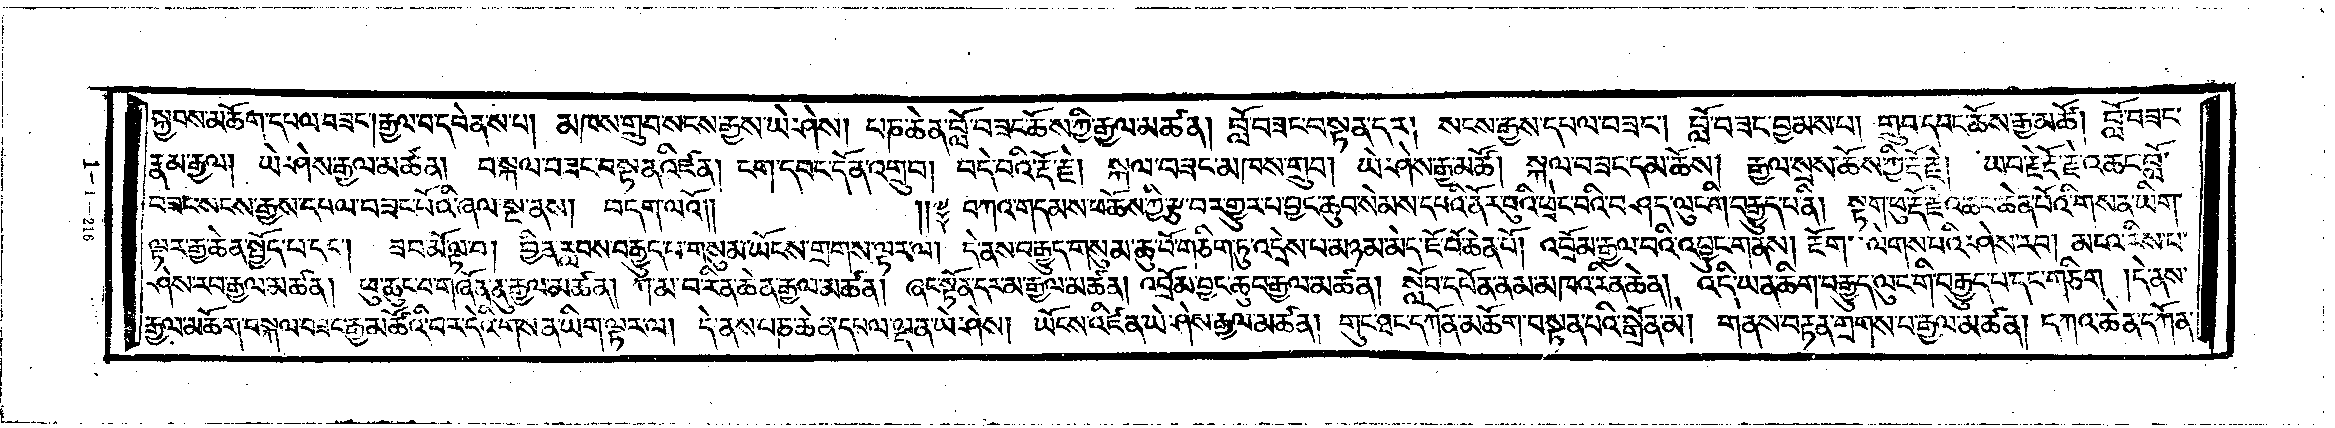སྐྱབས་མཆོག་དཔལ་བཟང་།རྒྱལ་བ་དབེན་ས་པ། མཁས་གྲུབ་སངས་རྒྱས་ཡེ་ཤེས། པཎ་ཆེན་བློ་བཟང་ཆོས་ཀྱི་རྒྱལ་མཚན། བློ་བཟང་བསྟན་དར། སངས་རྒྱས་དཔལ་བཟང་། བློ་བཟང་བྱམས་པ། གྲུབ་དབང་ཆོས་རྒྱ་མཚོ། བློ་བཟང་
རྣམ་རྒྱལ། ཡེ་ཤེས་རྒྱལ་མཚན། བསྐལ་བཟང་བསྟན་འཛིན། ངག་དབང་དོན་འགྲུབ། བདེ་བའི་རྡོ་རྗེ། སྐལ་བཟང་མཁས་གྲུབ། ཡེ་ཤེས་རྒྱ་མཚོ། སྐལ་བཟང་དམ་ཆོས། རྒྱལ་སྲས་ཆོས་ཀྱི་རྡོ་རྗེ། ཡབ་རྗེ་རྡོ་རྗེ་འཆང་བློ་
བཟང་སངས་རྒྱས་དཔལ་བཟང་པོའི་ཞལ་སྔ་ནས། བདག་ལའོ།། །།འ་བཀའ་གདམས་ཕ་ཆོས་ཀྱི་རྩ་བར་གྱུར་པ་བྱང་ཆུབ་སེམས་དཔའི་ནོར་བུའི་ཕྲེང་བའི་བཤད་ལུང་གི་བརྒྱུད་པ་ནི། སྟག་ཕུ་རྡོ་རྗེ་འཆང་ཆེན་པོའི་གསན་ཡིག་
ལྟར་རྒྱ་ཆེན་སྤྱོད་པ་དང་། ཟབ་མོ་ལྟ་བ། བྱིན་རླབས་བརྒྱུད་པ་གསུམ་ཡོངས་གྲགས་ལྟར་ལ། དེ་ནས་བརྒྱུད་གསུམ་ཆུ་བོ་གཅིག་ཏུ་འདྲེས་པ་མཉམ་མེད་ཇོ་བོ་ཆེན་པོ། འབྲོམ་རྒྱལ་བའི་འབྱུང་གནས། རྔོག་ལེགས་པའི་ཤེས་རབ། མངའ་རིས་པ་
ཤེས་རབ་རྒྱལ་མཚན། ཕུ་ཆུང་བ་གཞོན་ནུ་རྒྱལ་མཚན། ཀ་མ་བ་རིན་ཆེན་རྒྱལ་མཚན། ཞང་སྟོན་དར་མ་རྒྱལ་མཚན། འབྲོམ་བྱང་ཆུབ་རྒྱལ་མཚན། སློབ་དཔོན་ནམ་མཁའ་རིན་ཆེན། འདི་ཡན་ཆིག་བརྒྱུད་ལུང་གི་བརྒྱུད་པ་དང་གཅིག །དེ་ནས་
རྒྱལ་མཆོག་བསྐལ་བཟང་རྒྱ་མཚོའི་བར་དེའི་གསན་ཡིག་ལྟར་ལ། དེ་ནས་པཎ་ཆེན་དཔལ་ལྡན་ཡེ་ཤེས། ཡོངས་འཛིན་ཡེ་ཤེས་རྒྱལ་མཚན། གུང་ཐང་དཀོན་མཆོག་བསྟན་པའི་སྒྲོན་མེ། གནས་བརྟན་གྲགས་པ་རྒྱལ་མཚན། དཀའ་ཆེན་དཀོན་